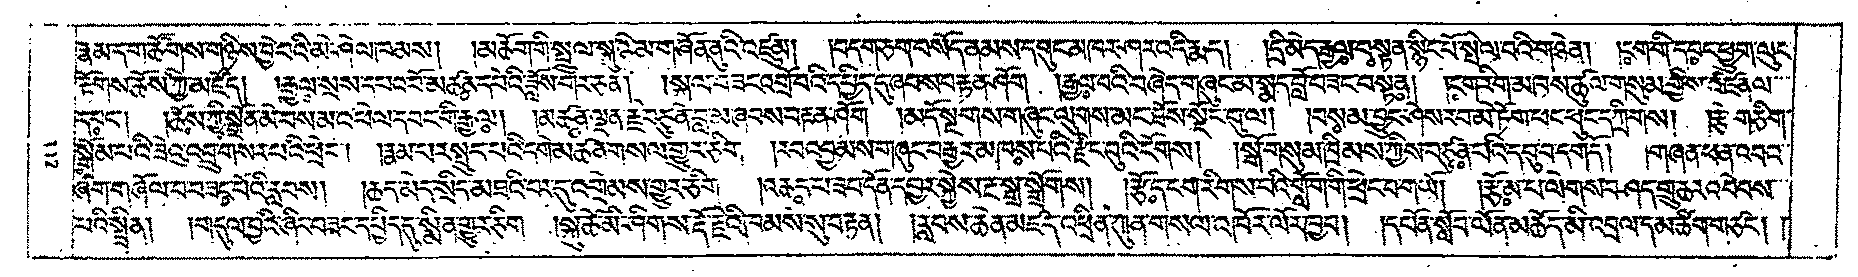རྣམ་དག་ཚོགས་གཉིས་བྱེ་བའི་མེ་ཤེལ་ཁམས། །མཆོག་གི་སྤྲུལ་སྐུ་ཉི་མ་གཞོན་ནུའི་འཛུམ། །བདག་ཅག་བསོད་ནམས་དགུང་མཁར་ཤར་འདི་རྨད། །དྲི་མེད་རྒྱལ་བསྟན་སྙིང་པོ་སྤེལ་བའི་གཉེན། །ངག་གི་དབང་ཕྱུག་ལུང་
རྟོགས་ཆོས་ཀྱི་མཛོད། །རྒྱལ་སྲས་དཔའ་བོ་མཚན་དཔེའི་ཟློས་གར་ཅན། །སྐལ་བཟང་འགྲོ་བའི་དཔྱིད་དུ་ཞབས་བརྟན་ཤོག །རྒྱལ་བའི་བཞེད་གཞུང་མ་སྨད་བློ་བཟང་བསྟན། །ངག་རིག་མཁས་ཚུལ་གསུམ་གྱིས་འཛིན་ལ་
དབང་། །ཆོས་ཀྱི་སྒྲོན་མེ་བསམ་འཕེལ་དབང་གི་རྒྱལ། །མཚན་ལྡན་རྗེ་བཙུན་བླ་མ་ཞབས་བརྟན་ཤོག །མདོ་སྔགས་གཞུང་ལུགས་མང་ཐོས་སྡོང་བུ་ལ། །བསམ་བྱུང་ཤེས་རབ་མེ་ཏོག་ཕང་ཕུང་དཀྲིགས། །རྩེ་གཅིག་
སྒོམ་པའི་ཟེའུ་འབྲུ་གསར་པའི་ཕྲེང་། །རྣམ་པར་སྤུད་པའི་དགེ་མཚན་གསལ་གྱུར་ཅིག །རབ་འབྱམས་གཞུང་བརྒྱར་མཁས་པའི་རྫིང་བུའི་ངོགས། སྒོ་གསུམ་ཁྲིམས་ཀྱིས་བཙུན་པའི་དབུ་བདག་དོ། །གཞན་ཕན་འབའ་
ཞིག་གཞོན་པ་བཟང་པོའི་རླབས། །ཆད་མེད་སྲིད་མཐའི་བར་དུ་འགྲེམས་གྱུར་ཅིག །འཆད་པ་ཟབ་དོན་དབྱར་སྐྱེས་རྔ་སྒྲ་སྒྲོགས། །རྩོད་ངག་རིགས་པའི་གློག་གི་ཕྲེང་བ་གཡོ། །རྩོམ་པ་ལེགས་བཤད་གྲུ་ཆར་འབེབས་
པའི་སྤྲིན། །གདུལ་བྱའི་ཞིང་བཟང་དཔྱིད་དུ་སྨིན་གྱུར་ཅིག །སྐུ་ཚེ་མི་ཤིགས་རྡོ་རྗེའི་ཁམས་སུ་བརྟན། །རླབས་ཆེན་མཛད་འཕྲིན་ཀུན་གསལ་འཁོར་ལོར་ཁྱབ། །དཔོན་སློབ་ཡོན་མཆོད་མི་འབྲལ་དམ་ཚིག་གཙང་། །